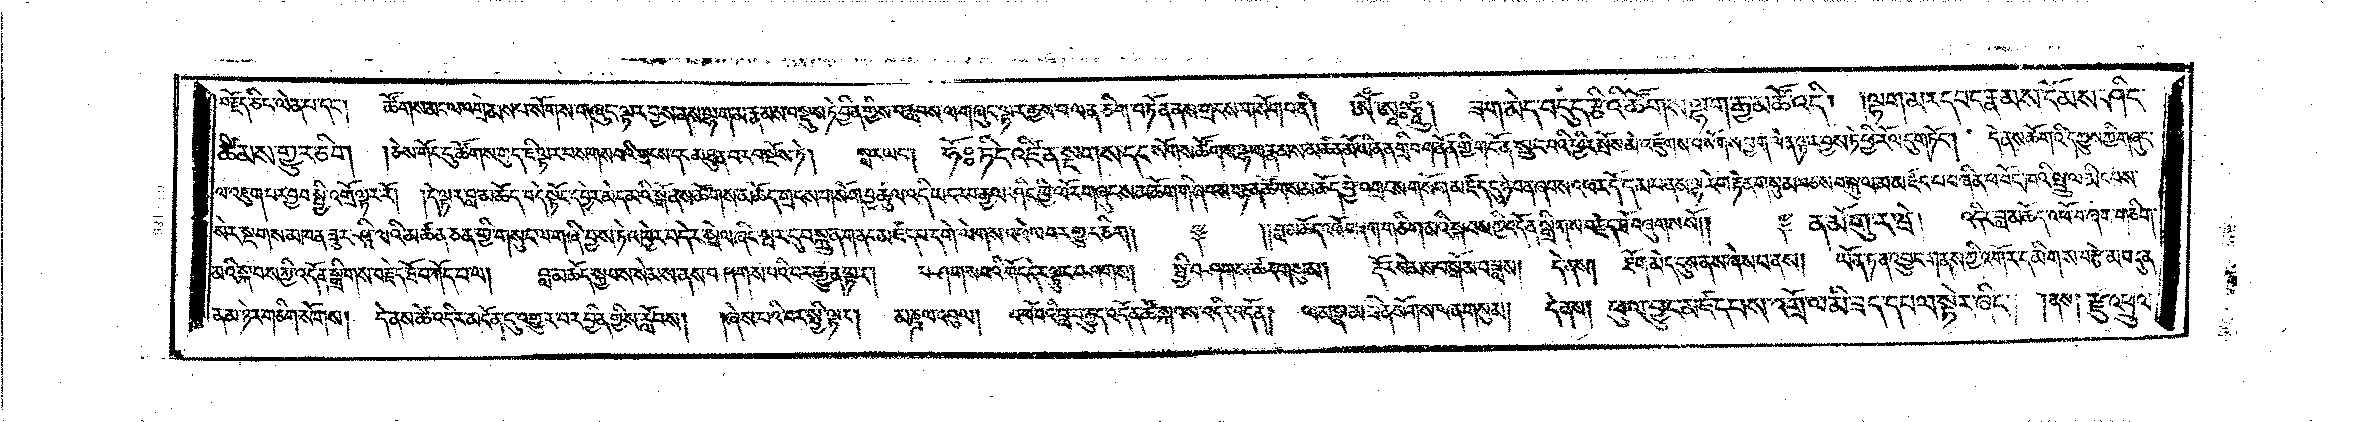བརྗོད་ཅིང་ལེན་པ་དང་། ཚོགས་མངལ་འགྲེམས་པ་སོགས་གཞུང་ལྟར་བྱས་ནས་ལྷག་མ་རྣམས་བསྡུས་ཏེ་བྱིན་གྱིས་བརླབས་ལ་གཞུང་ལྟར་རྒྱས་བ་ལན་ཅིག་བཏོན་ནས་གྲངས་གསོག་བ་ནི། ཨོཾ་ཨཱཿཧཱུཾ། ཟག་མེད་བདུད་རྩིའི་ཚོགས་ལྷག་རྒྱ་མཚོ་འདི། །ལྷག་མར་དབང་རྣམས་ངོམས་ཤིང་
ཚིམས་གྱུར་ཅིག་།ཅེས་གོང་དུ་ཚོགས་གུད་ཇི་ལྟར་བསགས་བའི་གྲངས་དང་མཐུན་བར་བསྔོས་ཏེ། སླར་ཡང་།  ཧོཿཏིང་འཛིན་སྔགས་དང་སོགས་ཚོགས་ལྷག་རྣམས་མཚན་མོ་ཡིན་ན་གྲིབ་གནོན་གྱི་གོང་ན་སྲུང་བའི་ཕྱིར་སྤོས་མེ་འཛུགས་བ་སོགས་བྱག་ལེན་ལྟར་བྱས་ཏི་ཕྱི་རོལ་དུ་གཏོང་། དེ་ནས་ཆོ་གའི་དཀྱུས་ཀྱི་གཞུང་
ལ་འཇུག་པར་བྱ་བ་སྤྱི་འགྲོ་ལྟར་རོ། །དེ་ལྟར་བླ་མཆོད་བདེ་སྟོང་དབྱེར་མེད་མའི་སྒོ་ནས་ཚོགས་མཆོད་གྲངས་གསོག་བྱ་ཚུལ་འདི་ཡང་རབ་རྒྱལ་ཤིང་ཁྱི་ལོར་གཞུངས་མཆོག་གི་ཞབས་བརྟན་ཚིགས་མཆོད་བྱེ་བགྲངས་གསོག་མཛད་དུ་ཉེ་བ་ན་ཞབས་འཕར་དོ་དམ་བ་ནས་ལྷ་རེག་རྟེན་གསུམ་བཅས་བསྐུལ་མ་མཛད་པ་བཞིན་ཕ་བོང་ཁའི་སྤྲུལ་མིད་བྱས་
སེར་སྔགས་མཁན་ཟུར་ཤཱི་ལའི་མཚན་ཅན་གྱི་གསུང་ལ་གཞི་བྱས་ཏེ་འཁྱེར་བདེར་སྤེལ་ཞིང་སྦར་དུ་བསྐྲུན་གནང་མཛད་པ་དགེ་ལེགས་འཕེལ་བར་གྱུར་ཅིག། ༈ །།བླ་མཆོད་འཕོ་བཞག་གཅིག་མའི་སྐབས་ཀྱི་འདོན་སྒྲིགས་བརྗེད་ཐོ་བཞུགས་སོ།། ༈ ན་མོ་གུ་ར་ཝེ། འདིར་བླ་མཆོད་འཕོ་བ་ཞབ་གཅིག་
མའི་སྐབས་ཀྱི་འདོན་སྒྲིགས་བརྗེད་ཐོ་བཀོད་པ་ལ། བླ་མཆོད་སྐྱབས་སེམས་ནས་བཤགས་པའི་བར་རྒྱུན་ལྟར། བཤགས་པའི་གོང་དེར་ལྟུང་བཤགས། སྤྱི་བཤགས་ཚར་གསུམ། རྡོར་སེམས་བསྒོམ་བཟླས། དེ་ནས། ཐོག་མེད་དུས་ནས་ཞེས་པ་ནས། ཡོན་ཏན་འབྱུང་གནས་ཀྱི་འགོར་དམིགས་བརྩེ་མ་བདུན་
ནམ་ཉེར་གཅིག་སོགས། དེ་ནས་ཚེ་འདིར་མངོན་དུ་འགྱུར་བར་བྱིན་གྱིས་རློབས། །ཞེས་པའི་བར་སྤྱི་ལྟར། མཎྜལ་འབུལ། འཕོ་བའི་བླ་བརྒྱུད་འདོན་ཚེ་སྐབས་འདིར་འདོན། ལམ་སྣམ་ཟིན་སོགས་ལན་གསུམ། དེ་ནས། ཕུལ་བྱུང་མཛད་བས་འགྲོ་ལ་མི་ཟད་དཔལ་སྟེར་ཞིང༑ །ནས། རྫུ་འཕྲུལ་